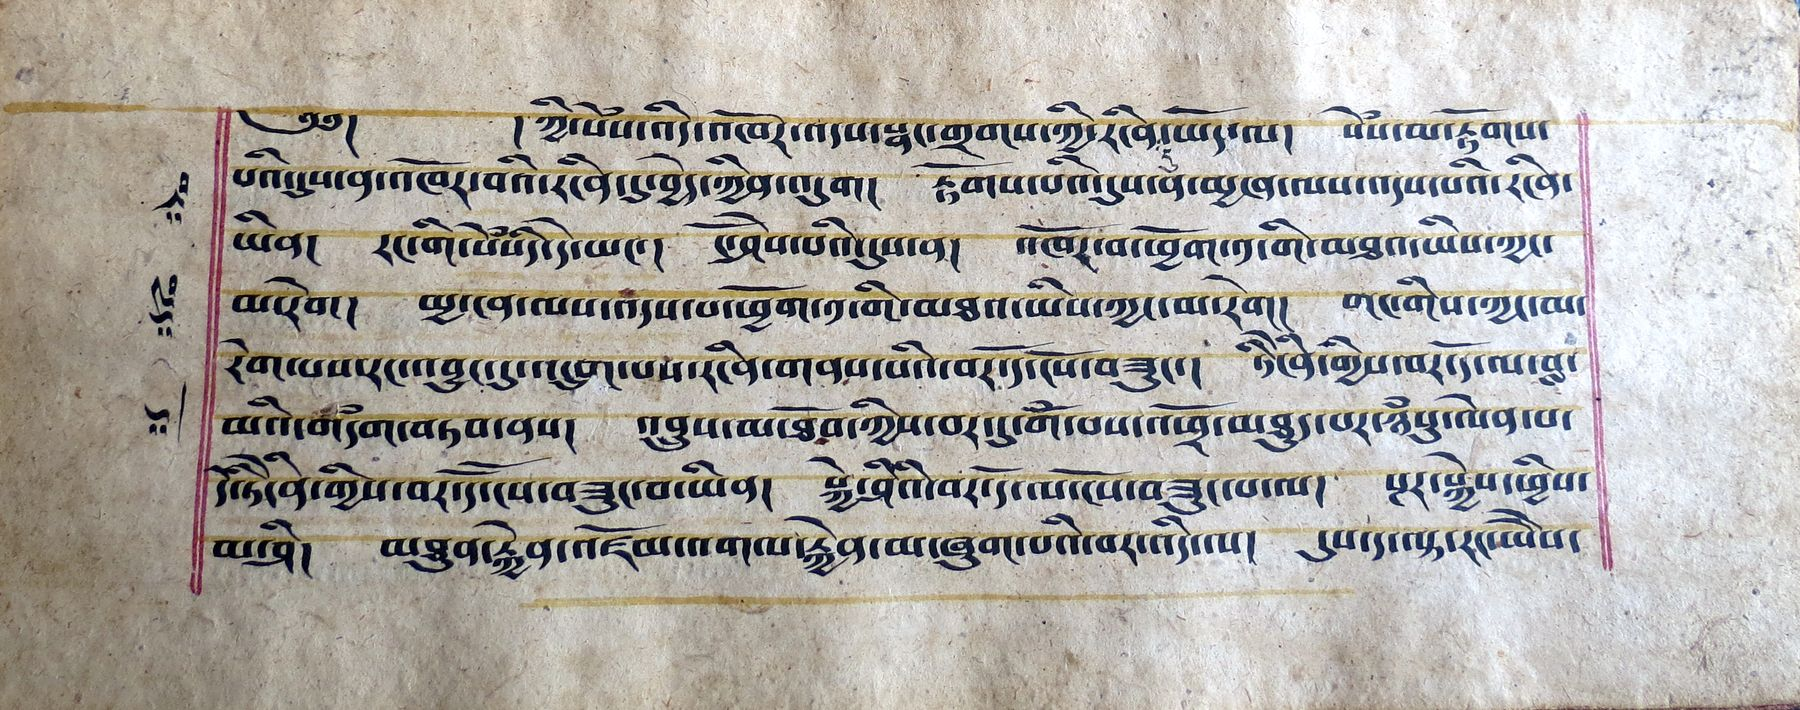ཀྱི་སེམས་འདི་འཁོར་འདས་སྣང་གྲགས་ཀྱི་རང་བཞིན་དུ་ཡོད་ལ། སེམས་མ་རྟོགས་
པའི་དུས་ན་འཁོར་བའི་རང་བཞིན་དུ་བྱེད་ཀྱིན་འདུག རྟོགས་པའི་དུས་ན་མྱ་ངན་ལས་འདས་པའི་རང་བཞིན་
ཡིན། རང་གི་སེམས་ཉིད་དེ་ཡང་། ངོ་ཤེས་པའི་དུས་ན་འཁོར་བ་ཕྱོགས་གཅིག་གི་མཐའ་ཡིས་ཀྱང་
མ་རེག མྱ་ངན་ལས་འདས་པ་ཕྱོགས་གཅིག་གིས་ཀྱང་མ་རེག གང་གིས་ཀྱང་མ་
རེག་པས་རང་བྱུང་དུ་འདུག་པས། རང་བཞིན་གནས་པའི་བར་དོ་ངོས་བཟུང་། ཏིང་ངེ་འཛིན་གྱི་བར་དོ་ལ་བླ་
མའི་གདམས་ངག་བཏབ་ནས། འབྲས་བུ་མ་ཐོབ་ཀྱི་བར་དུ་གོམས་པས་འཕྲོ་མཐུད་པར་ཉམས་སུ་ལེན་པ་
དེ་ཏིང་ངེ་འཛིན་གྱི་བར་དོ་ངོས་བཟུང་བ་ཡིན། སྐྱེ་ཤིའི་བར་དོ་ལ་ངོས་བཟུང་བ་ལ། སྔར་སྐྱེས་ཕྱིས་
མི་ཤི། མཐུན་རྐྱེན་འཛོམས་འགལ་རྐྱེན་མ་ཞུགས་པའི་བར་འདི་ལ། དུས་ད་ལྟ་རང་ཡེ་ཤེས་